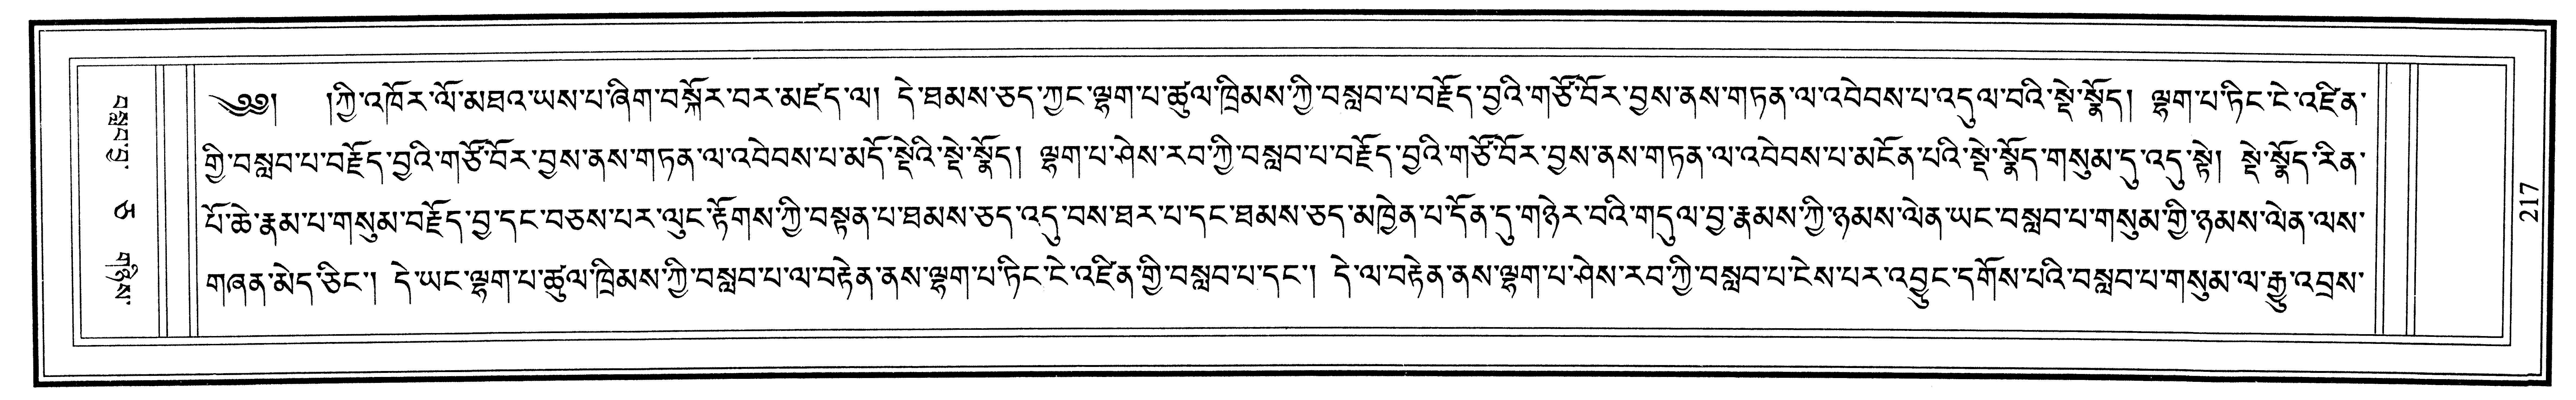༄༅། །ཀྱི་འཁོར་ལོ་མཐའ་ཡས་པ་ཞིག་བསྐོར་བར་མཛད་ལ། དེ་ཐམས་ཅད་ཀྱང་ལྷག་པ་ཚུལ་ཁྲིམས་ཀྱི་བསླབ་པ་བརྗོད་བྱའི་གཙོ་བོར་བྱས་ནས་གཏན་ལ་འབེབས་པ་འདུལ་བའི་སྡེ་སྣོད། ལྷག་པ་ཏིང་ངེ་འཛིན་
གྱི་བསླབ་པ་བརྗོད་བྱའི་གཙོ་བོར་བྱས་ནས་གཏན་ལ་འབེབས་པ་མདོ་སྡེའི་སྡེ་སྣོད། ལྷག་པ་ཤེས་རབ་ཀྱི་བསླབ་པ་བརྗོད་བྱའི་གཙོ་བོར་བྱས་ནས་གཏན་ལ་འབེབས་པ་མངོན་པའི་སྡེ་སྣོད་གསུམ་དུ་འདུ་སྟེ། སྡེ་སྣོད་རིན་
པོ་ཆེ་རྣམ་པ་གསུམ་བརྗོད་བྱ་དང་བཅས་པར་ལུང་རྟོགས་ཀྱི་བསྟན་པ་ཐམས་ཅད་འདུ་བས་ཐར་པ་དང་ཐམས་ཅད་མཁྱེན་པ་དོན་དུ་གཉེར་བའི་གདུལ་བྱ་རྣམས་ཀྱི་ཉམས་ལེན་ཡང་བསླབ་པ་གསུམ་གྱི་ཉམས་ལེན་ལས་
གཞན་མེད་ཅིང་། དེ་ཡང་ལྷག་པ་ཚུལ་ཁྲིམས་ཀྱི་བསླབ་པ་ལ་བརྟེན་ནས་ལྷག་པ་ཏིང་ངེ་འཛིན་གྱི་བསླབ་པ་དང་། དེ་ལ་བརྟེན་ནས་ལྷག་པ་ཤེས་རབ་ཀྱི་བསླབ་པ་ངེས་པར་འབྱུང་དགོས་པའི་བསླབ་པ་གསུམ་ལ་རྒྱུ་འབྲས་